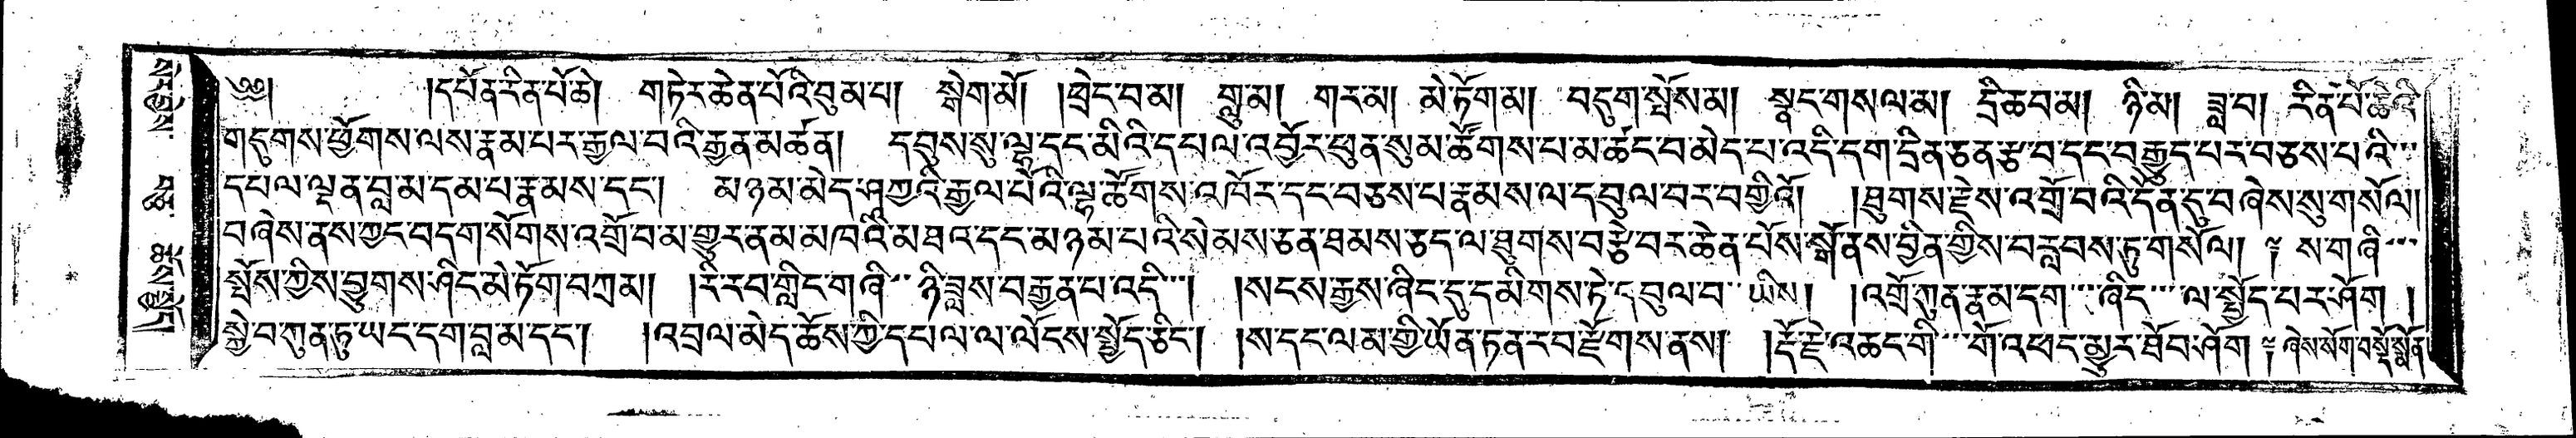༄༅། །དཔོན་རིན་པོ་ཆེ། གཏེར་ཆེན་པོའི་བུམ་པ། སྒེག་མོ། །ཕྲེང་བ་མ། གླུ་མ། གར་མ། མེ་ཏོག་མ། བདུག་སྤོས་མ། སྣང་གསལ་མ། དྲི་ཆབ་མ། ཉི་མ། ཟླ་བ། རིན་པོ་ཆེའི་
གདུགས་ཕྱོགས་ལས་རྣམ་པར་རྒྱལ་བའི་རྒྱན་མཚན། དབུས་སུ་ལྷ་དང་མིའི་དཔལ་འབྱོར་ཕུན་སུམ་ཚོགས་པ་མ་ཚང་བ་མེད་པ་འདི་དག་དྲིན་ཅན་རྩ་བ་དང་བརྒྱུད་པར་བཅས་པའི་
དཔལ་ལྡན་བླ་མ་དམ་པ་རྣམས་དང་། མཉམ་མེད་ཤཱཀྱའི་རྒྱལ་པོའི་ལྷ་ཚོགས་འཁོར་དང་བཅས་པ་རྣམས་ལ་དབུལ་བར་བགྱིའོ། །ཐུགས་རྗེས་འགྲོ་བའི་དོན་དུ་བཞེས་སུ་གསོལ།
བཞེས་ནས་ཀྱང་བདག་སོགས་འགྲོ་བ་མ་གྱུར་ནམ་མཁའི་མཐའ་དང་མཉམ་པའི་སེམས་ཅན་ཐམས་ཅད་ལ་ཐུགས་བརྩེ་བར་ཆེན་པོས་སྒོ་ནས་བྱིན་གྱིས་བརླབས་ཏུ་གསོ། ༈ ས་གཞི་
སྤོས་ཀྱིས་བྱུགས་ཤིང་མེ་ཏོག་བཀྲམ། །རི་རབ་གླིང་གཞི་ཉི་ཟླས་བརྒྱན་པ་འདི། །སངས་རྒྱས་ཞིང་དུ་དམིགས་ཏེ་དབུལ་བ་ཡིས། །འགྲོ་ཀུན་རྣམ་དག་ཞིང་ལ་སྤྱོད་པར་ཤོག །
སྐྱེ་བ་ཀུན་ཏུ་ཡང་དག་བླ་མ་དང་། །འབྲལ་མེད་ཆོས་ཀྱི་དཔལ་ལ་ལོངས་སྤྱོད་ཅིང་། །ས་དང་ལམ་གྱི་ཡོན་ཏན་རབ་རྫོགས་ནས། །རྡོ་རྗེ་འཆང་གི་གོ་འཕང་མྱུར་ཐོབ་ཤོག ༈ ཞེས་སོགས་བསྔོ་སྨོན་